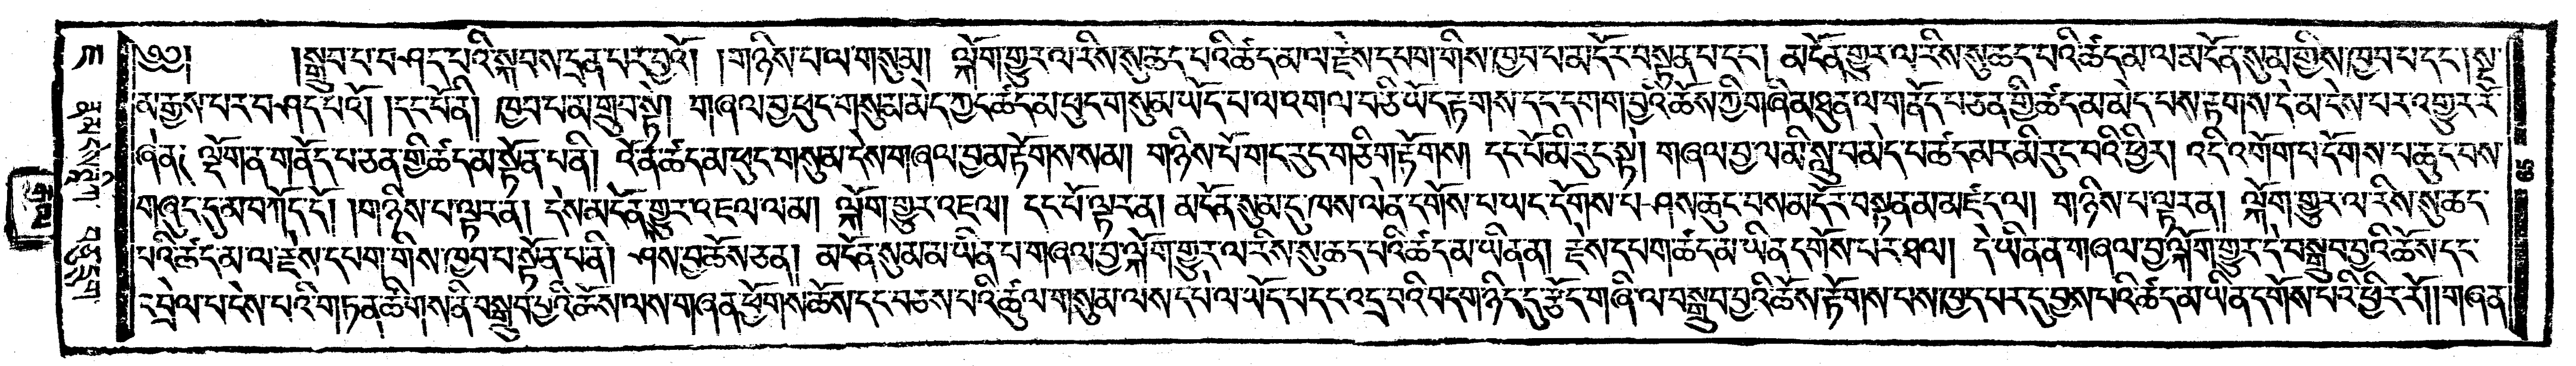༄༅། །སྒྲུབ་པ་བཤད་པའི་སྐབས་དྲན་པར་བྱའོ། །གཉིས་པ་ལ་གསུམ། ལྐོག་གྱུར་ལ་རིས་སུ་ཆད་པའི་ཚད་མ་ལ་རྗེས་དཔག་གིས་ཁྱབ་པ་མདོར་བསྟན་པ་དང་། མངོན་གྱུར་ལ་རིས་སུ་ཆད་པའི་ཚད་མ་ལ་མངོན་སུམ་གྱིས་ཁྱབ་པ་དང་། སྔ་
མ་རྒྱས་པར་བཤད་པའོ། །དང་པོ་ནི། ཁྱབ་པ་མ་གྲུབ་སྟེ། གཞལ་བྱ་ཕུང་གསུམ་མེད་ཀྱང་ཚད་མ་ཕུང་གསུམ་ཡོད་པ་ལ་འགལ་བ་ཅི་ཡོད་རྟགས་དང་དགག་བྱའི་ཆོས་ཀྱི་གཞི་མཐུན་ལ་གནོད་པ་ཅན་གྱི་ཚད་མ་མེད་པས་རྟགས་དེ་མ་ངེས་པར་འགྱུར་རོ་
ཞེ་ན། ལྡོག་ན་གནོད་པ་ཅན་གྱི་ཚད་མ་སྟོན་པ་ནི། འོ་ན་ཚད་མ་ཕུང་གསུམ་དེས་གཞལ་བྱ་མ་རྟོགས་སམ། གཉིས་པོ་གང་རུང་གཅིག་རྟོགས། དང་པོ་མི་རུང་སྟེ། གཞལ་བྱ་ལ་མི་སླུ་བ་མེད་པ་ཚད་མར་མི་རུང་བའི་ཕྱིར། འདི་འགོག་པ་དོགས་པ་ཆུང་བས་
གཞུང་དུ་མ་བཀོད་དོ། །གཉིས་པ་ལྟར་ན། དེས་མངོན་གྱུར་འཇལ་ལམ། ལྐོག་གྱུར་འཇལ། དང་པོ་ལྟར་ན། མངོན་སུམ་དུ་ཁས་ལེན་དགོས་པ་ཡང་དོགས་པ་ཤས་ཆུང་བས་མདོར་བསྟན་མ་མཛད་ལ། གཉིས་པ་ལྟར་ན། ལྐོག་གྱུར་ལ་རིས་སུ་ཆད་
པའི་ཚད་མ་ལ་རྗེས་དཔག་གིས་ཁྱབ་པ་སྟོན་པ་ནི། ཤེས་བྱ་ཆོས་ཅན། མངོན་སུམ་མ་ཡིན་པ་གཞལ་བྱ་ལྐོག་གྱུར་ལ་རིས་སུ་ཆད་པའི་ཚད་མ་ཡིན་ན། རྗེས་དཔག་ཚད་མ་ཡིན་དགོས་པར་ཐལ། དེ་ཡིན་ན་གཞལ་བྱ་ལྐོག་གྱུར་དེ་བསྒྲུབ་བྱའི་ཆོས་དང་
འབྲེལ་པ་ངེས་པའི་གཏན་ཚིགས་ནི་བསྒྲུབ་བྱའི་ཆོས་ལས་གཞན་ཕྱོགས་ཆོས་དང་བཅས་པའི་ཚུལ་གསུམ་ལས་དཔེ་ལ་ཡོད་པ་དང་འདྲ་བའི་བདག་ཉིད་དུ་རྩོད་གཞི་ལ་བསྒྲུབ་བྱའི་ཆོས་རྟོགས་པས་ཁྱད་པར་དུ་བྱས་པའི་ཚད་མ་ཡིན་དགོས་པའི་ཕྱིར་རོ། །གཞན་